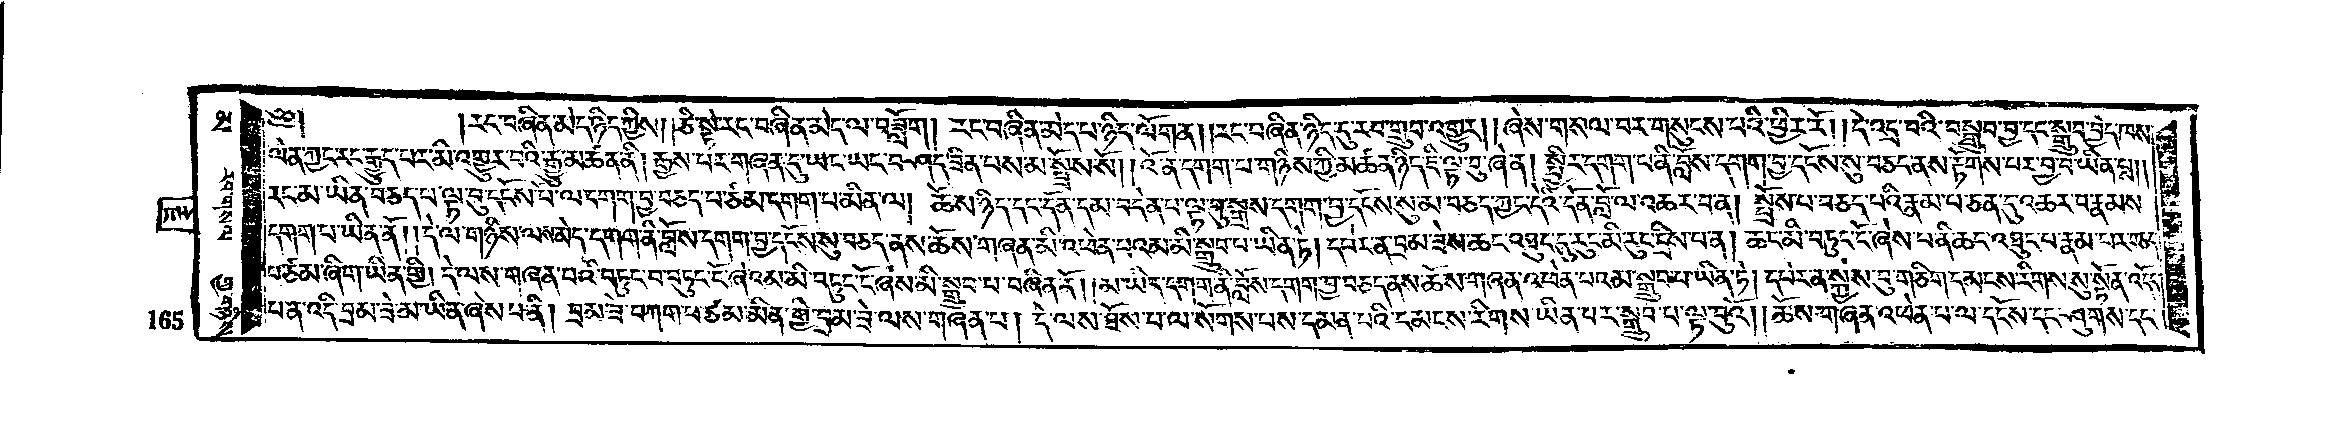༄༅། །རང་བཞིན་མེད་ཉིད་ཀྱིས། །ཅི་སྟེ་རང་བཞིན་མེད་ལ་བཟློག །རང་བཞིན་མེད་པ་ཉིད་ལོག་ན། །རང་བཞིན་ཉིད་དུ་རབ་གྲུབ་འགྱུར། །ཞེས་གསལ་བར་གསུངས་པའི་ཕྱིར་རོ། །དེ་འདྲ་བའི་བསྒྲུབ་བྱ་དང་སྒྲུབ་བྱེད་ཁས་
ལེན་ཀྱང་རང་རྒྱུད་པར་མི་འགྱུར་བའི་རྒྱུ་མཚན་ནི། རྒྱས་པར་གཞན་དུ་ཡང་ཡང་བཤད་ཟིན་པས་མ་སྤྲོས་སོ། །འོ་ན་དགག་པ་གཉིས་ཀྱི་མཚན་ཉིད་ཇི་ལྟ་བུ་ཞེ་ན། སྤྱིར་དགག་པ་ནི་བློས་དགག་བྱ་དངོས་སུ་བཅད་ནས་རྟོགས་པར་བྱ་བ་ཡིན་པས། །
རང་མ་ཡིན་བཅད་པ་ལྟ་བུ་དངོས་པོ་ལ་དགག་བྱ་བཅད་པ་ཙམ་དགག་པ་མིན་ལ། ཆོས་ཉིད་དང་དོན་དམ་བདེན་པ་ལྟ་བུ་སྒྲས་དགག་བྱ་དངོས་སུ་མ་བཅད་ཀྱང་དེའི་དོན་བློ་ལ་འཆར་བ་ན། སྤྲོས་པ་བཅད་པའི་རྣམ་པ་ཅན་དུ་འཆར་བ་རྣམས་
དགག་པ་ཡིན་ནོ། །དེ་ལ་གཉིས་ལས་མེད་དགག་ནི་བློས་དགག་བྱ་དངོས་སུ་བཅད་ནས་ཆོས་གཞན་མི་འཕེན་པའམ་མི་སྒྲུབ་པ་ཡིན་ཏེ། དཔེར་ན་བྲམ་ཟེས་ཆང་འཐུང་དུ་རུང་མི་རུང་དྲིས་པ་ན། ཆང་མི་བཏུང་ངོ་ཞེས་པ་ནི་ཆང་འཐུང་པ་རྣམ་པར་བཅད་
པ་ཙམ་ཞིག་ཡིན་གྱི། །དེ་ལས་གཞན་པའི་བཏུང་བ་བཏུང་ངོ་ཞེའམ་མི་བཏུང་ངོ་ཞེས་མི་སྒྲུབ་པ་བཞིན་ནོ། །མ་ཡིན་དགག་ནི་བློས་དགག་བྱ་བཅད་ནས་ཆོས་གཞན་འཕེན་པའམ་སྒྲུབ་པ་ཡིན་ཏེ། དཔེར་ན་སྐྱེས་བུ་གཅིག་དམངས་རིགས་སུ་སྟོན་འདོད་
པ་ན་འདི་བྲམ་ཟེ་མ་ཡིན་ཞེས་པ་ནི། བྲམ་ཟེ་བཀག་པ་ཙམ་མིན་གྱི་བྲམ་ཟེ་ལས་གཞན་པ། དེ་ལས་ཐོས་པ་ལ་སོགས་པས་དམན་པའི་དམངས་རིགས་ཡིན་པར་སྒྲུབ་པ་ལྟ་བུའོ། །ཆོས་གཞན་འཕེན་པ་ལ་དངོས་དང་ཤུགས་དང་